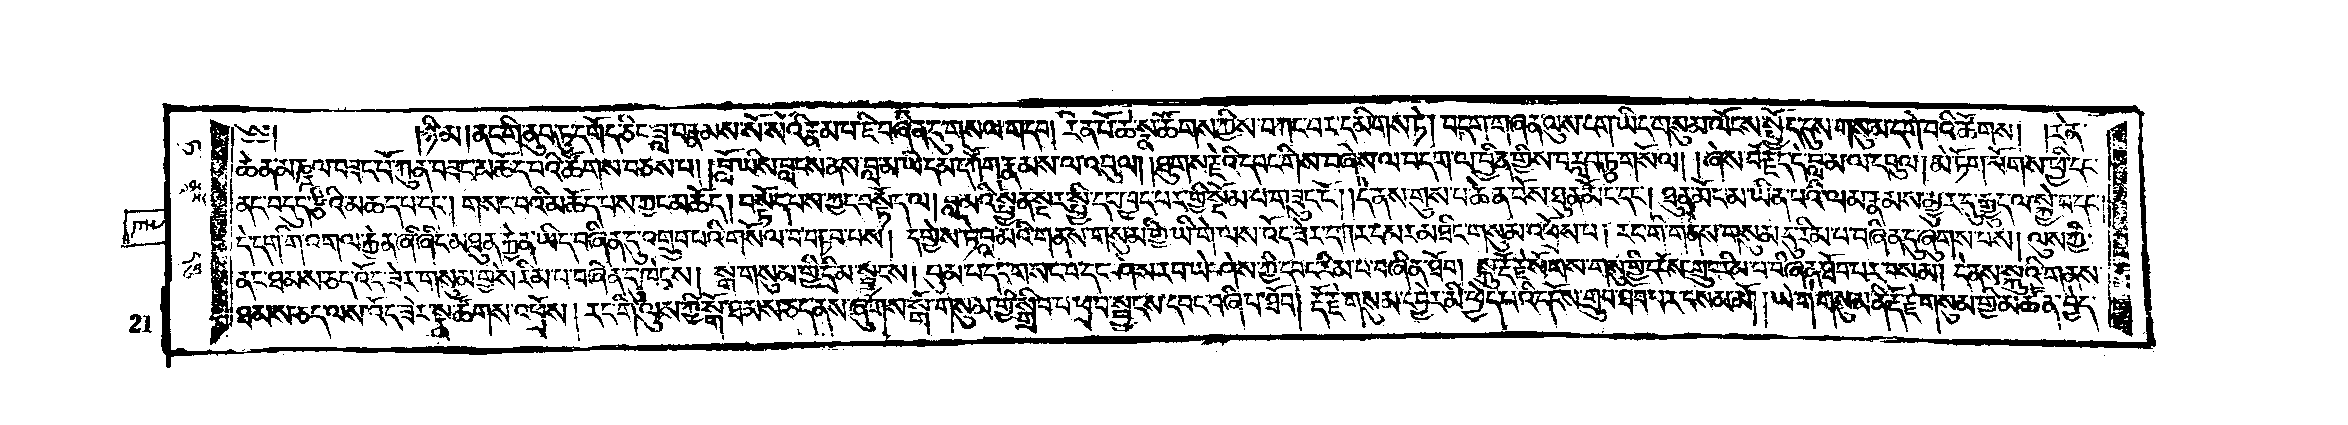༄༅། །ཉི་མ། ནང་གི་ནུབ་ཏུ་དགོད་ཅིང་ཟླ་བ་རྣམས་སོ་སོའི་རྣམ་པ་ཇི་བཞིན་དུ་གསལ་གདབ། རིན་པོ་ཆེ་སྣ་ཚོགས་ཀྱིས་བཀང་བར་དམིགས་ཏེ། བདག་གཞན་ལུས་ངག་ཡིད་གསུམ་ལོངས་སྤྱོད་དུས་གསུམ་དགེ་བའི་ཚོགས། །རིན་
ཆེན་མཎྜལ་བཟང་པོ་ཀུན་བཟང་མཆོད་པའི་ཚོགས་བཅས་པ། །བློ་ཡིས་བླངས་ནས་བླ་མ་ཡི་དམ་དཀོན་མཆོག་རྣམས་ལ་འབུལ། །ཐུགས་རྗེའི་དབང་གིས་བཞེས་ལ་བདག་ལ་བྱིན་གྱིས་བརླབ་ཏུ་གསོལ། །ཞེས་བརྗོད་དེ་བླ་མ་ལ་དབུལ། མེ་ཏོག་སོགས་ཕྱི་དང་
ནང་བདུད་རྩིའི་མཆོད་པ་དང་། གསང་བའི་མཆོད་པས་ཀྱང་མཆོད། བསྟོད་པས་ཀྱང་བསྟོད་ལ། བླ་མའི་སྤྱན་སྔར་སྤྱི་དང་ཁྱད་པར་གྱི་སྡོམ་པ་གཟུང་ངོ། །དེ་ནས་གུས་པ་ཆེན་པོས་ཐུན་མོང་དང་། ཐུན་མོང་མ་ཡིན་པའི་ལམ་རྣམས་མྱུར་དུ་རྒྱུད་ལ་སྐྱེ་བ་དང་།
དེ་དག་གི་འགལ་རྐྱེན་ཞི་ཞིང་མཐུན་རྐྱེན་ཡིད་བཞིན་དུ་འགྲུབ་པའི་གསོལ་བ་བཏབ་པས། དགྱེས་ཏེ་བླ་མའི་གནས་གསུམ་གྱི་ཡི་གེ་ལས་འོད་ཟེར་དཀར་དམར་མཐིང་གསུམ་འཕྲོས་པ། རང་གི་གནས་གསུམ་དུ་རིམ་པ་བཞིན་དུ་ཞུགས་པས། ལུས་ཀྱི་
ནང་ཐམས་ཅད་འོད་ཟེར་གསུམ་གྱིས་རིམ་པ་བཞིན་དུ་ཁེངས། སྒོ་གསུམ་གྱི་དྲི་མ་སྦྱངས། བུམ་པ་དང་གསང་བ་དང་ཤེས་རབ་ཡེ་ཤེས་ཀྱི་དབང་རིམ་པ་བཞིན་ཐོབ། སྐུ་རྡོ་རྗེ་སོགས་གསུམ་གྱི་དངོས་གྲུབ་རིམ་པ་བཞིན་ཐོབ་པར་བསམ། དེ་ནས་སྐུའི་གནས་
ཐམས་ཅད་ལས་འོད་ཟེར་སྣ་ཚོགས་འཕྲོས། རང་གི་ལུས་ཀྱི་སྒོ་ཐམས་ཅད་ནས་ཞུགས་སྒོ་གསུམ་གྱི་སྒྲིབ་པ་ཕྲ་བ་སྦྱངས་དབང་བཞི་པ་ཐོབ། རྡོ་རྗེ་གསུམ་དབྱེར་མི་ཕྱེད་པའི་དངོས་གྲུབ་ཐོབ་པར་བསམ་མོ། །ཡེ་གེ་གསུམ་ནི་རྡོ་རྗེ་གསུམ་གྱི་མཚོན་བྱེད་